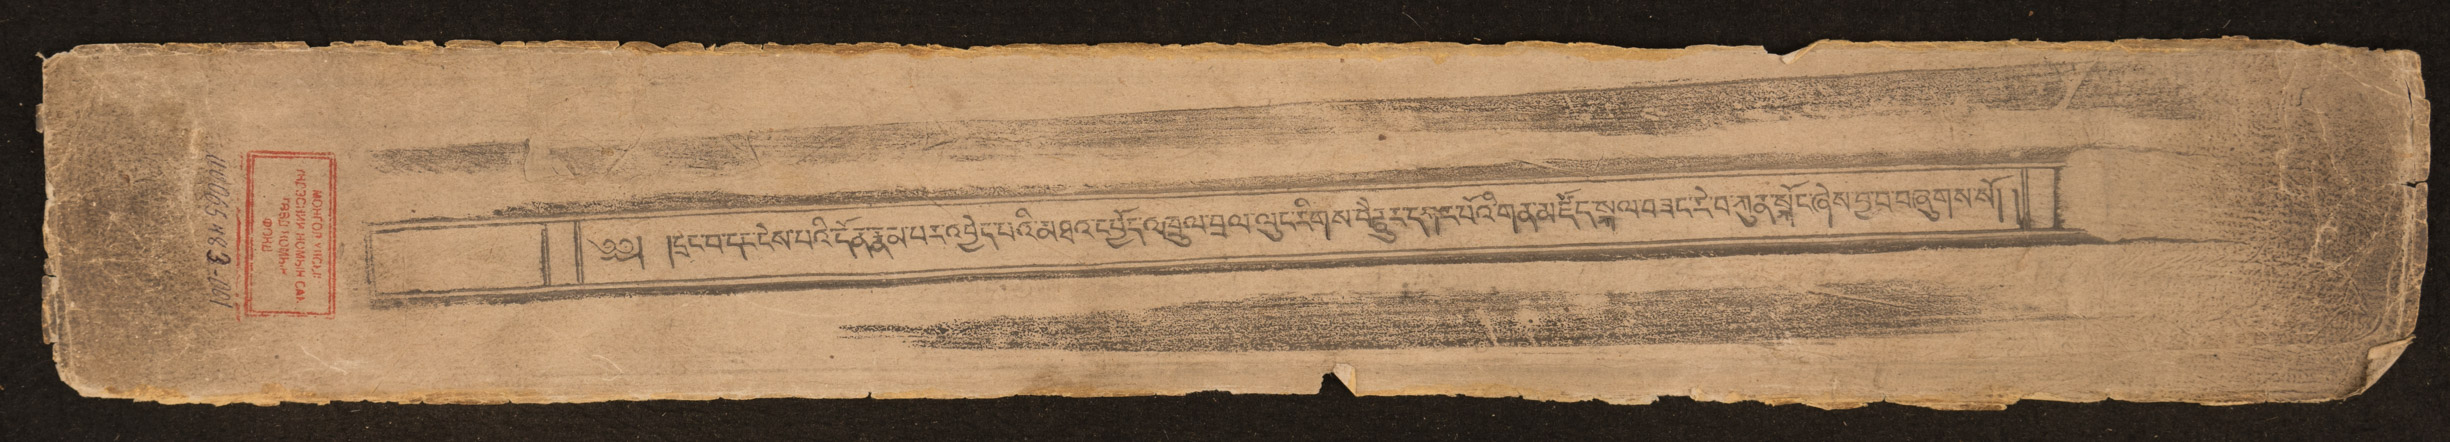ཨིཨི་༡?
༄༅། །དྲང་བ་དང་ངེས་པའི་དོན་རྣམ་པར་འབྱེད་པའི་མཐའ་དཔྱོད་འཁྲུལ་བྲལ་ལུང་རིགས་བཻཌཱུར་དཀར་པོའི་གན་མཛོད་སྐལ་བཟང་རེ་བ་ཀུན་སྐོང་ཞེས་བྱ་བ་བཞུགས་སོ། །